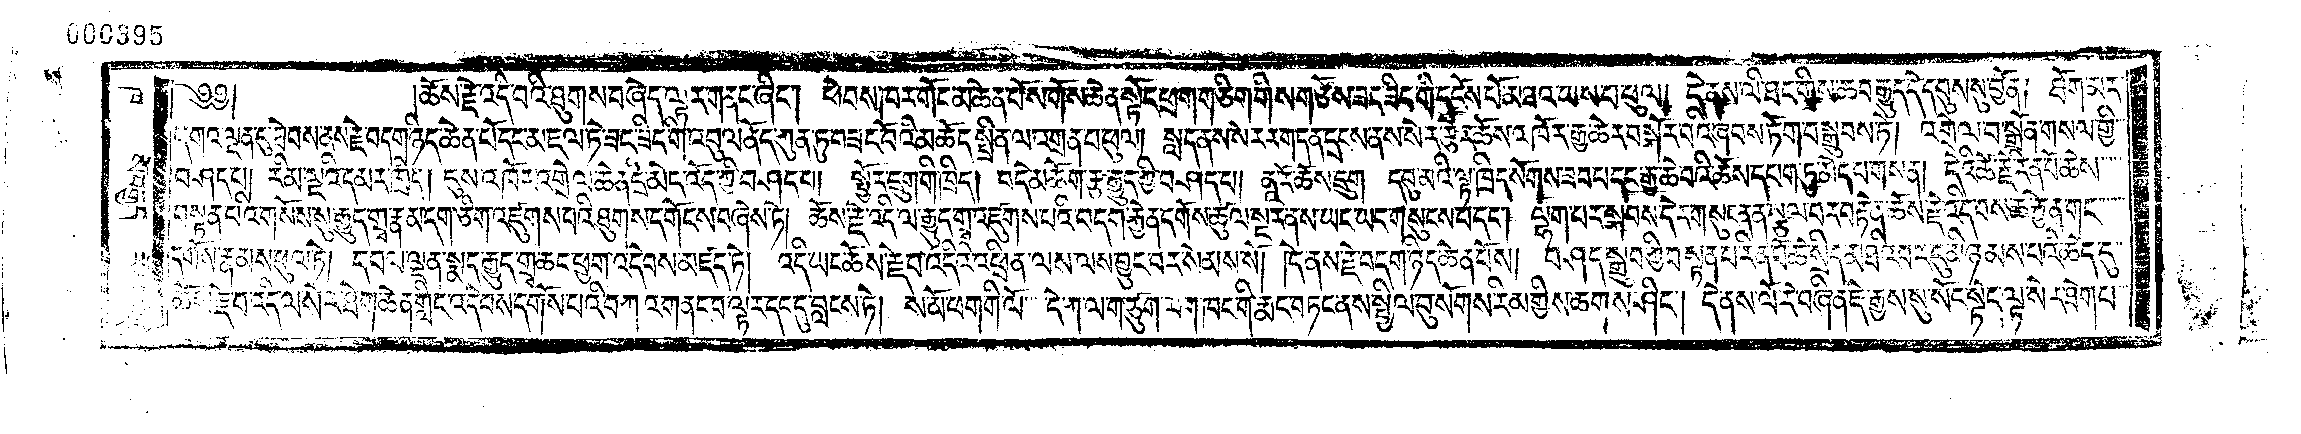༄༅། །ཆོས་རྗེ་འདི་བའི་ཐུགས་བཞེད་ལྟར་གནང་ཞིང་། ཕེབས་ཁར་གོང་མ་ཆེན་པོས་གོས་ཆེན་སྟོང་ཕྲག་གཅིག་གིས་གཙོས་ཟང་ཟིང་གི་དངོས་པོ་མཐའ་ཡས་པ་ཕུལ། དེ་ནས་ལི་ཐང་གི་ས་ཆ་བརྒྱུད་དེ་དབུས་སུ་བྱོན། ཐོག་མར་
དགའ་ལྡན་དུ་ཕེབས་ནས་རྗེ་བདག་ཉིད་ཆེན་པོ་དང་མཇལ་ཏེ་ཟང་ཟིང་གི་འབུལ་ནོད་ཀུན་ཏུ་བཟང་པོའི་མཆོད་སྤྲིན་ལ་འགྲན་པ་ཕུལ། སླད་ནས་སེ་རར་གདན་དྲངས་ནས་སེར་རྩེར་ཆོས་འཁོར་རྒྱ་ཆེར་བསྐོར་བའི་ཞབས་ཏོག་བསྒྲུབས་ཏེ། འགྲེལ་བ་སྒྲོན་གསལ་གྱི་
བཤད་པ། རིམ་ལྔའི་དམར་ཁྲིད། དུས་འཁོར་འགྲེལ་ཆེན་དྲི་མེད་འོད་ཀྱི་བཤད་པ། སྦྱོར་དྲུག་གི་ཁྲིད། བདེ་མཆོག་རྩ་རྒྱུད་ཀྱི་བཤད་པ། ནཱ་རོ་ཆོས་དྲུག །དབུ་མའི་ལྟ་ཁྲིད་སོགས་ཟབ་པ་དང་རྒྱ་ཆེ་བའི་ཆོས་དཔག་ཏུ་མེད་པ་གསན། དེའི་ཚེ་རྗེ་རིན་པོ་ཆེས་
བསྟན་བའི་གསོས་སུ་རྒྱུད་གྲྭ་རྣམ་དག་ཅིག་འཛུགས་པའི་ཐུགས་དགོངས་བཞེས་ཏེ། ཆོས་རྗེ་འདི་ལ་རྒྱུད་གྲྭ་འཛུགས་པའི་བདག་རྐྱེན་དགོས་ཚུལ་སྔར་ནས་ཡང་ཡང་གསུངས་པ་དང་། ལྷག་པར་སྐབས་དེར་གསུང་ནན་སྩལ་བར་བརྟེན་ཆོས་རྗེ་འདི་བས་ཆ་རྐྱེན་གང་
དགོས་རྣམས་ཕུལ་ཏེ། དཔལ་ལྡན་སྨད་རྒྱུད་གྲྭ་ཚང་ཕྱག་འདེབས་མཛད་ཏེ། འདི་ཡང་ཆོས་རྗེ་བ་འདིའི་འཕྲིན་ལས་ལས་བྱུང་བར་སེམས་སོ། །དེ་ནས་རྗེ་བདག་ཉིད་ཆེན་པོས། བཤད་སྒྲུབ་ཀྱི་བསྟན་པ་རིན་པོ་ཆེ་སྲིད་མཐའི་བར་དུ་མི་ཉམས་པའི་ཆེད་དུ་
ཆོས་རྗེ་བ་འདི་ལ་སེ་ར་ཐེག་ཆེན་གླིང་འདེབས་དགོས་པའི་བཀའ་གནང་བ་ལྟར་དང་དུ་བླངས་ཏེ། ས་མོ་ཕག་གི་ལོ་དེ་ཀ་ལ་གཙུག་ལག་ཁང་གི་རྨང་བཏང་ནས་སྦྱིལ་བུ་སོགས་རིམ་གྱིས་ཆགས་ཤིང་། དེ་ནས་ལོ་རེ་བཞིན་རྗེ་རྒྱས་སུ་སོང་སྟེ་ད་ལྟ་སེ་ར་ཐེག་པ་